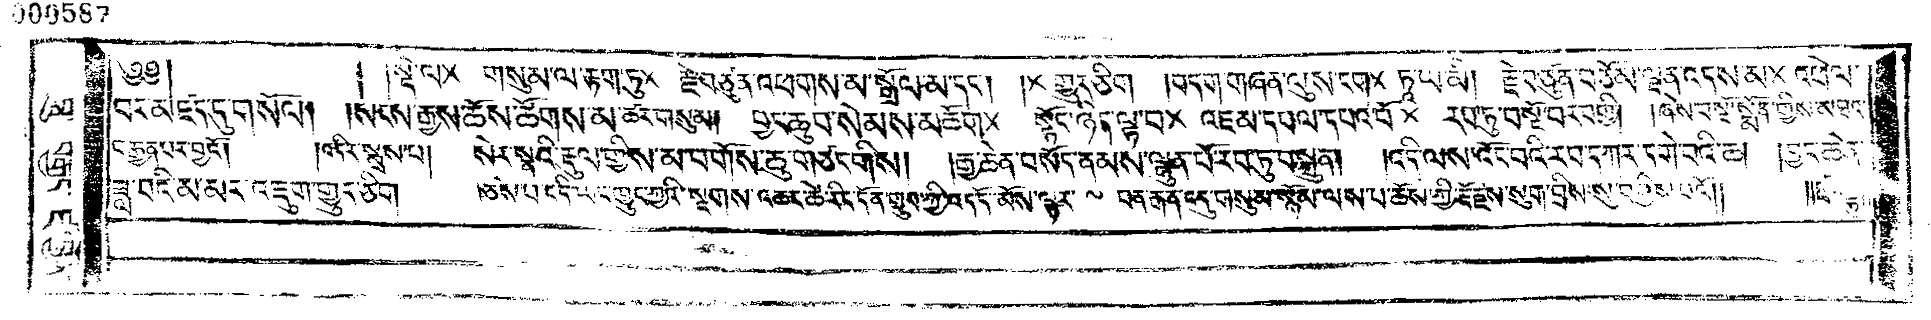༄༅། །སྡེ་ལ་྾་གསུམ་ལ་རྟག་ཏུ་྾་རྗེ་བཙུན་འཕགས་མ་སྒྲོལ་མ་དང་། །྾་གྱུར་ཅིག །བདག་གཞན་ལུས་ངག་྾་ཏཱ་ཡ་མི། རྗེ་བཙུན་བཅོམ་ལྡན་འདས་མ་྾་འཕེལ་
བར་མཛད་དུ་གསོལ། །སངས་རྒྱས་ཆོས་ཚོགས་མ་ཚར་གསུམ།  བྱང་ཆུབ་སེམས་མཆོག་྾་སྟོང་ཉིད་ལྟ་བ་྾་འཇམ་དཔལ་དཔའ་བོ་྾་རབ་ཏུ་བསྔོ་བར་བགྱི། །ཞེས་བསྔོ་སྨོན་གྱིས་མཐའ་
བརྒྱན་པར་བྱའོ། །འདིར་སྨྲས་པ། སེར་སྣའི་རྡུལ་གྱིས་མ་བགོས་ཆུ་གཙང་གིས། །རྒྱ་ཆེན་བསོད་ནམས་ལྷུན་པོ་རབ་ཏུ་བསྐྲུན། །འདི་ལས་འོང་བའི་རབ་དཀར་དགེ་བའི་ཆ། །བྱང་ཆེན་
ཟླ་བའི་མ་རྨར་འཇུག་གྱུར་ཅིག །ཅེས་པ་འདི་ཡང་ཁྱུང་ཀྱའི་སྔགས་འཆང་ཚེ་རིང་དོན་གྲུབ་ཀྱི་འདོད་མོས་ལྟར་༈ བན་རྒན་འདུ་གསུམ་སྙོམ་ལས་པ་ཆོས་ཀྱི་རྡོ་རྗེས་སུག་བྲིས་སུ་བགྱིས་པའོ།། །།ཛ་ཡནྟུ། །